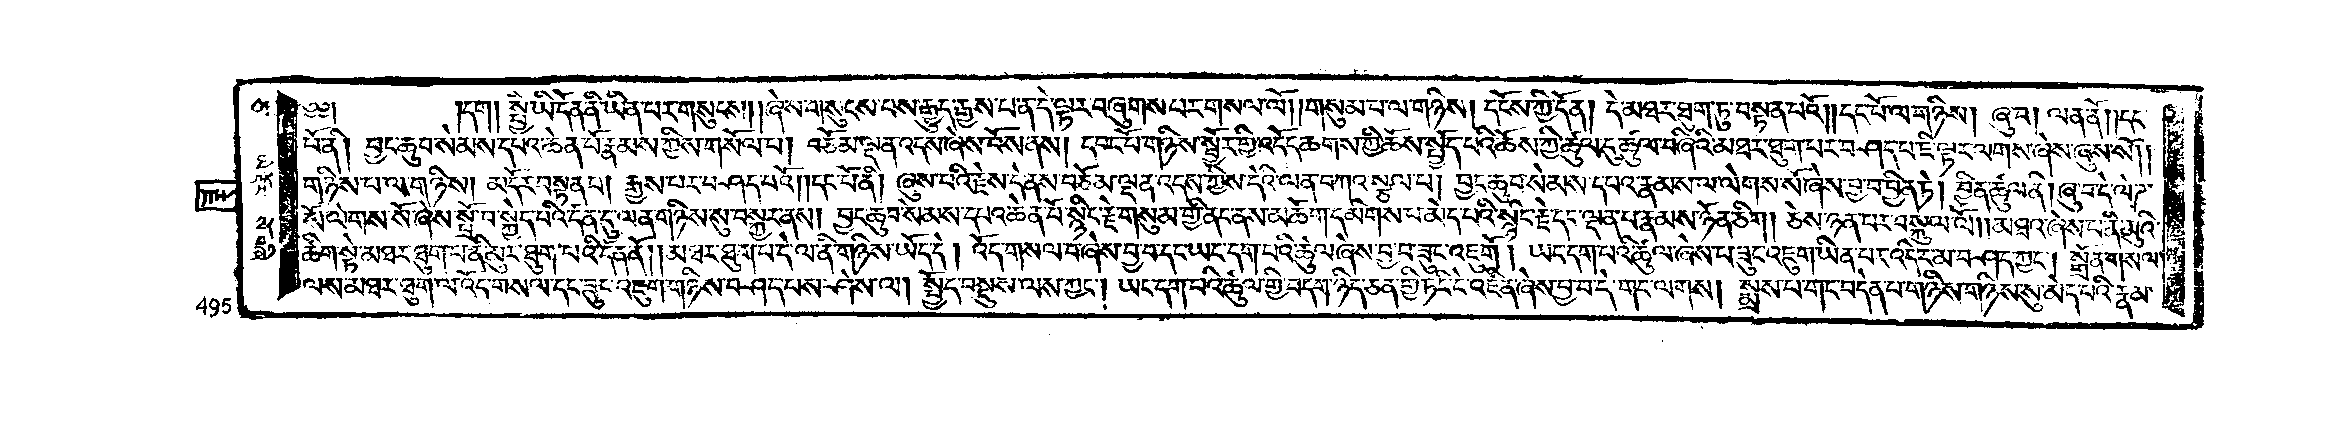༄༅། །དག །སྤྱི་ཡི་དོན་ནི་ཡིན་པར་གསུངས། །ཞེས་གསུངས་པས་རྒྱུད་རྒྱས་པ་ན་དེ་ལྟར་བཞུགས་པར་གསལ་ལོ། །གསུམ་པ་ལ་གཉིས། དངོས་ཀྱི་དོན། དེ་མཐར་ཐུག་ཏུ་བསྟན་པའོ། །དང་པོ་ལ་གཉིས། ཞུ་བ། ལན་ནོ། །དང་
པོ་ནི། བྱང་ཆུབ་སེམས་དཔའ་ཆེན་པོ་རྣམས་ཀྱིས་གསོལ་པ། བཅོམ་ལྡན་འདས་ཞེས་བོས་ནས། དབང་པོ་གཉིས་སྦྱོར་གྱི་འདོད་ཆགས་ཀྱི་ཆོས་སྤྱོད་པའི་ཆོས་ཀྱི་ཚུལ་དུ་ཚུལ་བཞིའི་མཐར་ཐུག་པར་བཤད་པ་ཇི་ལྟར་ལགས་ཞེས་ཞུས་སོ། །
གཉིས་པ་ལ་གཉིས། མདོར་བསྟན་པ། རྒྱས་པར་བཤད་པའོ། །དང་པོ་ནི། ཞུས་པའི་རྗེས་དེ་ནས་བཅོམ་ལྡན་འདས་ཀྱིས་དེའི་ལན་བཀའ་སྩལ་པ། བྱང་ཆུབ་སེམས་དཔའ་རྣམས་ལ་ལེགས་སོ་ཞེས་བྱ་བ་བྱིན་ཏེ། བྱིན་ཚུལ་ནི། ཞུ་བ་དེ་ལེགས་
སོ་ལེགས་སོ་ཞེས་སྤྲོ་བ་སྐྱེད་པའི་དོན་དུ་ལན་གཉིས་སུ་བསྐྱར་ནས། བྱང་ཆུབ་སེམས་དཔའ་ཆེན་པོ་སྙིང་རྗེ་གསུམ་གྱི་ནང་ནས་མཆོག་དམིགས་པ་མེད་པའི་སྙིང་རྗེ་དང་ལྡན་པ་རྣམས་ཉོན་ཅིག །ཅེས་ཉན་པར་བསྐུལ་ལོ། །མཐའ་ཞེས་པ་ནི་མུའི་
ཚིག་སྟེ་མཐར་ཐུག་པ་ནི་མུར་ཐུག་པའི་དོན་ནོ། །མཐར་ཐུག་པ་དེ་ལ་ནི་གཉིས་ཡོད་དེ། འོད་གསལ་བ་ཞེས་བྱ་བ་དང་ཡང་དག་པའི་ཚུལ་ཞེས་བྱ་བ་ཟུང་འཇུག་གོ །ཡང་དག་པའི་ཚུལ་ཞེས་པ་ཟུང་འཇུག་ཡིན་པར་འདིར་མ་བཤད་ཀྱང་། སྒྲོན་གསལ་
ལས་མཐར་ཐུག་ལ་འོད་གསལ་དང་ཟུང་འཇུག་གཉིས་བཤད་པས་ཤེས་ལ། སྤྱོད་བསྡུས་ལས་ཀྱང་། ཡང་དག་པའི་ཚུལ་གྱི་བདག་ཉིད་ཅན་གྱི་ཏིང་ངེ་འཛིན་ཞེས་བྱ་བ་དེ་གང་ལགས། སྨྲས་པ་གང་བདེན་པ་གཉིས་གཉིས་སུ་མེད་པའི་རྣམ་